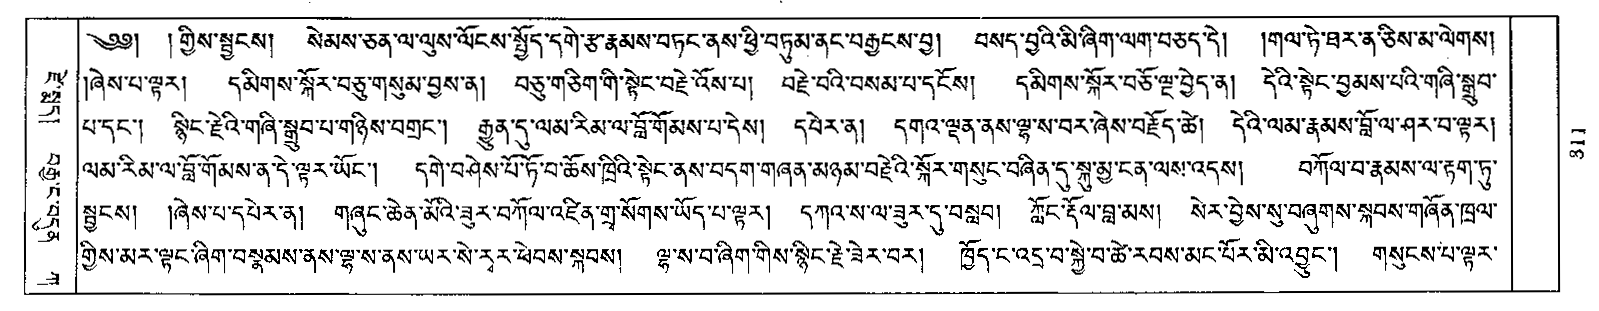༄༅། །གྱིས་སྦྱངས། སེམས་ཅན་ལ་ལུས་ལོངས་སྤྱོད་དགེ་རྩ་རྣམས་བཏང་ནས་ཕྱི་བཏུམ་ནང་བརྒྱངས་བྱ། བསད་བྱའི་མི་ཞིག་ལག་བཅད་དེ། །གལ་ཏེ་ཐར་ན་ཅིས་མ་ལེགས།
།ཞེས་པ་ལྟར། དམིགས་སྐོར་བཅུ་གསུམ་བྱས་ན། བཅུ་གཅིག་གི་སྟེང་བརྗེ་འོས་པ། བརྗེ་བའི་བསམ་པ་དངོས། དམིགས་སྐོར་བཅོ་ལྔ་བྱེད་ན། དེའི་སྟེང་བྱམས་པའི་གཞི་སྒྲུབ་
པ་དང་། སྙིང་རྗེའི་གཞི་སྒྲུབ་པ་གཉིས་བགྲང་། རྒྱུན་དུ་ལམ་རིམ་ལ་བློ་གོམས་པ་དེས། དཔེར་ན། དགའ་ལྡན་ནས་ལྷ་ས་བར་ཞེས་བརྗོད་ཚེ། དེའི་ལམ་རྣམས་བློ་ལ་ཤར་བ་ལྟར།
ལམ་རིམ་ལ་བློ་གོམས་ན་དེ་ལྟར་ཡོང་། དགེ་བཤེས་པོ་ཏོ་བ་ཆོས་ཁྲིའི་སྟེང་ནས་བདག་གཞན་མཉམ་བརྗེའི་སྐོར་གསུང་བཞིན་དུ་སྐུ་མྱ་ངན་ལས་འདས། བཀོལ་བ་རྣམས་ལ་རྟག་ཏུ་
སྦྱངས། །ཞེས་པ་དཔེར་ན། གཞུང་ཆེན་མོའི་ཟུར་བཀོལ་འཛིན་གྲྭ་སོགས་ཡོད་པ་ལྟར། དཀའ་ས་ལ་ཟུར་དུ་བསླབ། ཀློང་རྡོལ་བླ་མས། སེར་བྱེས་སུ་བཞུགས་སྐབས་གཞོན་ཁྲལ་
གྱིས་མར་ལྟང་ཞིག་བསྣམས་ནས་ལྷ་ས་ནས་ཡར་སེ་རྭར་ཕེབས་སྐབས། ལྷ་ས་བ་ཞིག་གིས་སྙིང་རྗེ་ཟེར་བར། ཁྱོད་ང་འདྲ་བ་སྐྱེ་བ་ཚེ་རབས་མང་པོར་མི་འབྱུང་། གསུངས་པ་ལྟར་